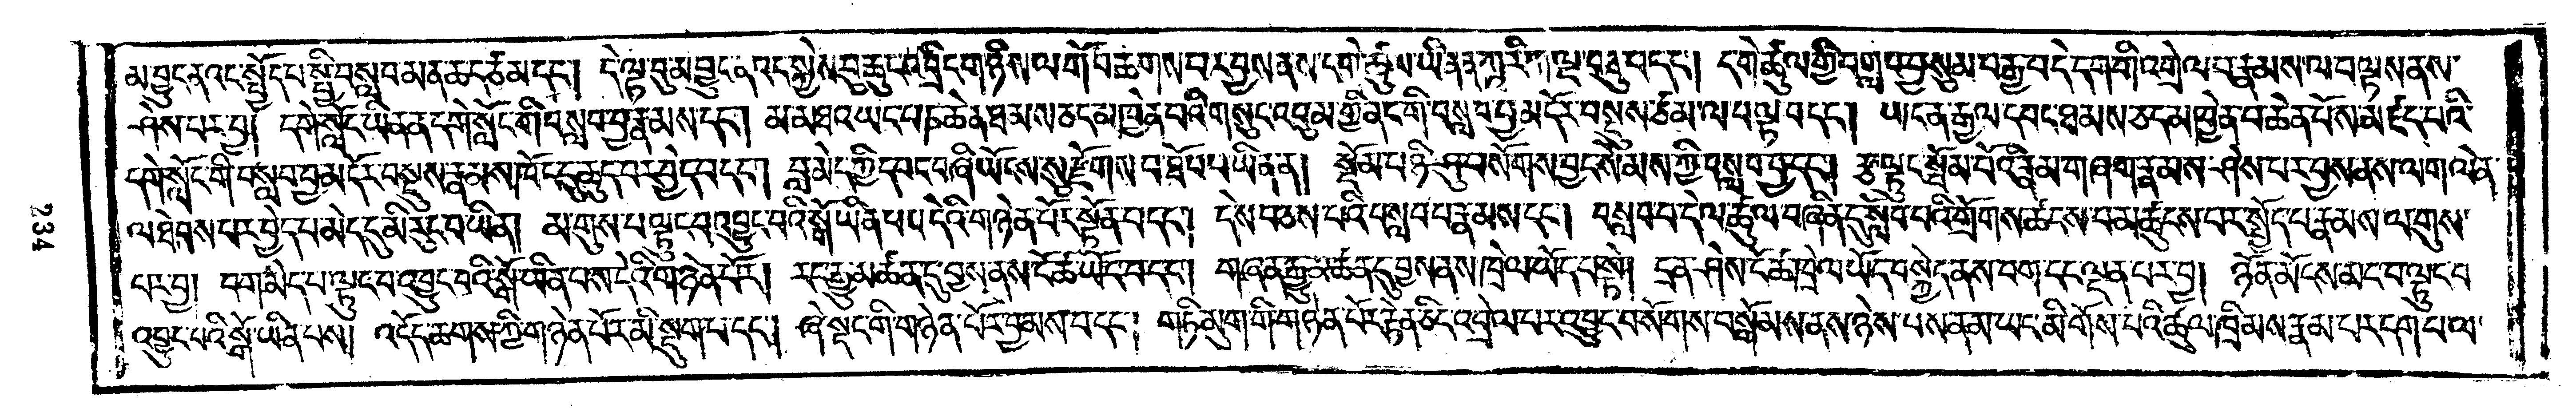མ་བྱུང་ནའང་སྤྱོད་པ་སྤྱི་བསླབ་མན་ཆད་ཙམ་དང་། དེ་ལྟ་བུ་མ་བྱུང་ནའང་སྐྱེས་བུ་ཆུང་འབྲིང་གཉིས་ལ་གོ་བྖགས་བར་བྱས་ནས་དགེ་ཚུལ་ཡིན་ན་ཀཱ་རིཀ་ལྔ་བཅུ་པ་དང་། དགེ་ཚུལ་གྱི་བགླབ་བྱ་སུམ་བརྒྱ་བདེ་དག་གི་འགྲེལ་པ་རྣམས་ལ་བལྟས་ནས་
ཤེས་པར་བྱ། དགེ་སློང་ཡིན་ན་དགེ་སློང་གི་བསླབ་བྱ་རྣམས་དང་། མ་མཐའ་ཡང་པཎ་ཆེན་ཐམས་ཅད་མཁྱེན་པའི་གསུང་འབུམ་གྱི་ནང་གི་བསླབ་བྱ་མདོར་བསྡུས་ཙམ་ལ་བལྟ་བ་དང་། ཡང་ན་རྒྱལ་དབང་ཐམས་ཅད་མཁྱེན་བ་ཆེན་པོས་མཛད་པའི་
དགེ་སློང་གི་བསླབ་བྱ་མདོར་བསྡུས་རྣམས་ཁོང་དུ་ཆུད་བར་བྱེད་བ་དང་། བླ་མེད་ཀྱི་དབང་བཞི་ཡོངས་སུ་རྫོགས་བ་ཐོབ་པ་ཡིན་ན། སྡོམ་པ་ཉི་ཤུབ་སོགས་བྱང་སེམས་ཀྱི་བསླབ་བྱ་དང་། རྩ་ལྟུང་སྦོམ་བོའི་རྣམ་གཞག་རྣམས་ཤེས་པར་བྱས་ནས་ལག་ལེན་
ལ་ཐེབས་པར་བྱེད་པ་མེད་དུ་མི་རུང་བ་ཡིན། མ་གུས་པ་ལྟུང་བ་འབྱུང་བའི་སྒོ་ཡིན་པ་དེའི་གཉེན་པོར་སྟོན་པ་དང་། དེས་བཅས་པའི་བསླབ་པ་རྣམས་དང་། བསླབ་པ་དེ་ལ་ཚུལ་བཞིན་དུ་སློབ་པའི་གྲོགས་ཚངས་བ་མཚུངས་བར་སྤྱོད་པ་རྣམས་ལ་གུས་
པར་བྱ། བག་མེད་པ་ལྟུང་བ་འབྱུང་བའི་སྒོ་ཡིན་བས་དེའི་གཉེན་པོར། རང་རྒྱུ་མཚན་དུ་བྱས་ནས་ངོ་ཚ་ཡོད་བ་དང་། གཞན་རྒྱུ་མཚན་དུ་བྱས་ནས་ཁྲེལ་ཡོད་པ་སྟེ། དྲན་ཤེས་ངོ་ཚ་ཁྲེལ་ཡོད་བསྐྱེད་ནས་བག་དང་ལྡན་པར་བྱ། ཉོན་མོངས་མང་བལྟུང་བ་
འབྱུང་པའི་སྒོ་ཡིན་པས། འདོད་ཆགས་ཀྱི་གཉེན་པོར་མི་སྡུག་པ་དང་། ཞེ་སྡང་གི་གཉེན་པོར་བྱམས་པ་དང་། གཏི་མུག་གི་གཉེན་པོར་རྟེན་ཅིང་འབྲེལ་པར་འབྱུང་བ་སོགས་བསྒོམས་ནས་ཉེས་པས་ནམ་ཡང་མི་གོས་པའི་ཚུལ་ཁྲིམས་རྣམ་པར་དག་པ་ལ་